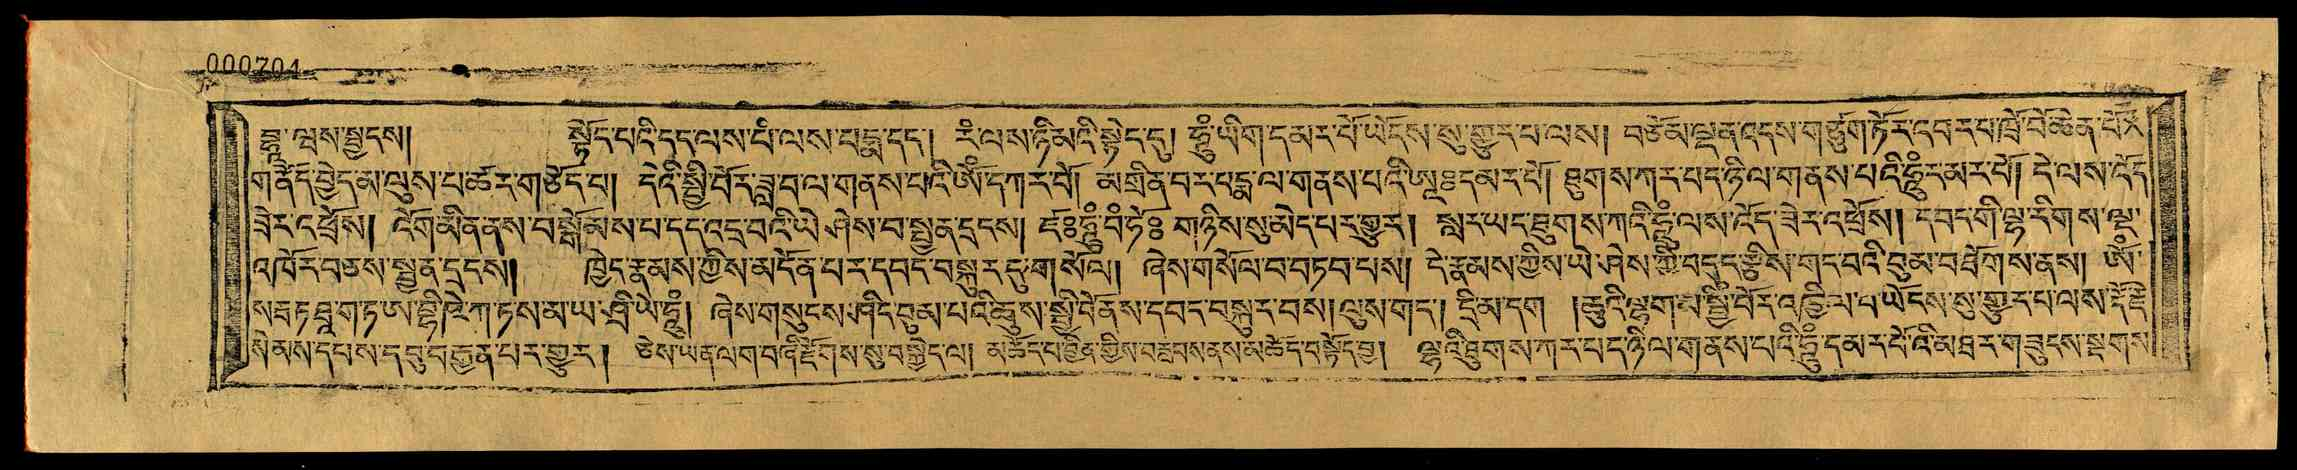བྷའ་ཝས་སྦྱངས། སྟོང་པའི་ངང་ལས་པཾ་ལས་པདམ་དང་། རཾ་ལས་ཉི་མའི་སྟེང་དུ། ཧཱུཾ་ཡིག་དམར་པོ་ཡོངས་སུ་གྱུར་པ་ལས། བཅོམ་ལྡན་འདས་གཙུག་ཏོར་འབར་བ་ཁྲོ་བོ་ཆེན་པོ྾་
གནོད་བྱེད་མ་ལུས་པ་ཚར་གཅོད་པ། དེའི་སྤྱི་བོར་ཟླ་བ་ལ་གནས་པའི་ཨོཾ་དཀར་པོ། མགྲིན་པར་པདམ་ལ་གནས་པའི་ཨཱཿ དམར་པོ། ཐུགས་ཀར་པད་ཉི་ལ་གནས་པའི་ཧཱུཾ་དམར་པོ། དེ་ལས་འོད་
ཟེར་འཕྲོས། འོག་མིན་ནས་བསྒོམས་པ་དང་འདྲ་བའི་ཡེ་ཤེས་པ་སྤྱན་དྲངས། ཛཿཧཱུཾ་བཾ་ཧོཿ གཉིས་སུ་མེད་པར་གྱུར། སླར་ཡང་ཐུགས་ཀའི་ཧཱུཾ་ལས་འོད་ཟེར་འཕྲོས། དབང་གི་ལྷ་རིགས་ལྔ་
འཁོར་བཅས་སྤྱན་དྲངས། ཁྱེད་རྣམས་ཀྱིས་མངོན་པར་དབང་བསྐུར་དུ་གསོལ། ཞེས་གསོལ་བ་བཏབ་པས། དེ་རྣམས་ཀྱིས་ཡེ་ཤེས་ཀྱི་བདུད་རྩིས་གང་བའི་བུམ་པ་ཐོགས་ནས། ཨོཾ་
སརྦ་ཏ་ཐ་ག་ཏ་ཨ་བྷི་ཥེ་ཀ་ཏ་ས་མ་ཡེ་ཤྲི་ཡེ་ཧཱུཾ། ཞེས་གསུངས་ཤིང་བུམ་པའི་ཆུས་སྤྱི་བོ་ནས་དབང་བསྐུར་བས། ལུས་གང་། དྲི་མ་དག །ཆུའི་ལྷག་མ་སྤྱི་བོར་འཁྱིལ་པ་ཡོངས་སུ་གྱུར་པ་ལས་རྡོ་རྗེ་
སེམས་དཔས་དབུ་བརྒྱན་པར་གྱུར། ཅེས་ཡན་ལག་བཞི་རྫོགས་སུ་བསྐྱེད་ལ། མཆོད་པ་བྱིན་གྱིས་བརླབས་ནས་མཆོད་བསྟོད་བྱ།  ལྷའི་ཐུགས་ཀར་པད་ཉི་ལ་གནས་པའི་ཧཱུཾ་དམར་པོའི་མཐར་གཟུངས་སྔགས་